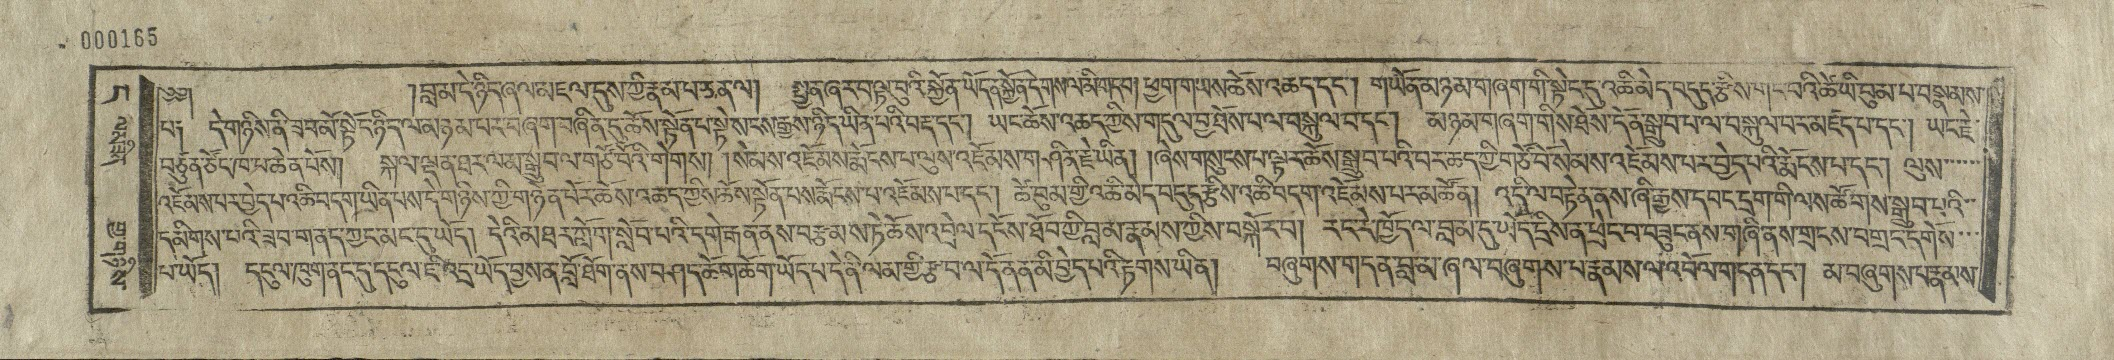༄༅། །བླ་མ་དེ་ཉིད་ཞལ་མཇལ་དུས་ཀྱི་རྣམ་པ་ཅན་ལ། སྤྱན་ཞར་བ་ལྟ་བུའི་སྐྱོན་ཡོད་ན་སྐྱོན་དེ་གསལ་མི་གདབ། ཕྱག་གཡས་ཆོས་འཆད་དང་། གཡོན་མཉམ་གཞག་གི་སྟེང་དུ་འཆི་མེད་བདུད་རྩིས་གང་བའི་ཚེ་ཡི་བུམ་པ་བསྣམས་
པ༑ དེ་གཉིས་ནི་ཟབ་མོ་སྟོང་ཉིད་ལ་མཉམ་པར་བཞག་བཞིན་དུ་ཆོས་སྟོན་པ་སྟེ་སངས་རྒྱས་ཉིད་ཡིན་པའི་བརྡ་དང་། ཡང་ཆོས་འཆད་ཀྱིས་གདུལ་བྱ་ཐོས་པ་ལ་བསྐུལ་བ་དང་། མཉམ་གཞག་གིས་ཐོས་དོན་སྒྲུབ་པ་ལ་བསྐུལ་བར་མཛད་པ་དང་། ཡང་རྗེ་
བཙུན་ཙོང་ཁ་པ་ཆེན་པོས། སྐལ་ལྡན་ཐར་ལམ་སྒྲུབ་ལ་གཙོ་བོའི་གེགས། །སེམས་འཇོམས་རྨོངས་པ་ལུས་འཇོམས་གཤིན་རྗེ་ཡིན། ། ཞེས་གསུངས་པ་ལྟར་ཆོས་སྒྲུབ་པའི་བར་ཆད་ཀྱི་གཙོ་བོ་སེམས་འཇོམས་པར་བྱེད་པའི་རྨོངས་པ་དང་། ལུས་
འཇོམས་པར་བྱེད་པ་འཆི་བདག་ཡིན་པས་དེ་གཉིས་ཀྱི་གཉེན་པོར་ཆོས་འཆད་ཀྱིས་ཆོས་སྟོན་པས་རྨོངས་པ་འཇོམས་པ་དང་། ཚེ་བུམ་གྱི་འཆི་མེད་བདུད་རྩིས་འཆི་བདག་འཇོམས་པར་མཚོན། འདི་ལ་བརྟེན་ནས་ཞི་རྒྱས་དབང་དྲག་གི་ལས་ཚོགས་སྒྲུབ་པའི་
དམིགས་པའི་ཟབ་གནད་ཀྱང་མང་དུ་ཡོད། དེའི་མཐར་ཀློག་སློབ་པའི་དགེ་རྒན་ནས་བརྩམས་ཏེ་ཆོས་འབྲེལ་དངོས་ཐོབ་ཀྱི་བླ་མ་རྣམས་ཀྱིས་བསྐོར་བ། རང་རེ་ཁྱོད་ལ་བླ་མ་དུ་ཡོད་དྲིས་ན་ཕྲེང་བ་བཟུང་ནས་གཞི་ནས་གྲངས་བགྲང་དགོས་
པ་ཡོད། དངུལ་ཁུག་ནང་དུ་དངུལ་ཇི་འདྲ་ཡོད་བྱས་ན་བློ་ཐོག་ནས་བཤད་ཆོག་ཆོག་ཡོད་པ་དེ་ནི་ལམ་གྱི་རྩ་བ་ལ་དོན་ན་མི་བྱེད་པའི་རྟགས་ཡིན། བཞུགས་གདན་བླ་མ་ཞལ་བཞུགས་པ་རྣམས་ལ་འབོལ་གདན་དང་། མ་བཞུགས་པ་རྣམས་